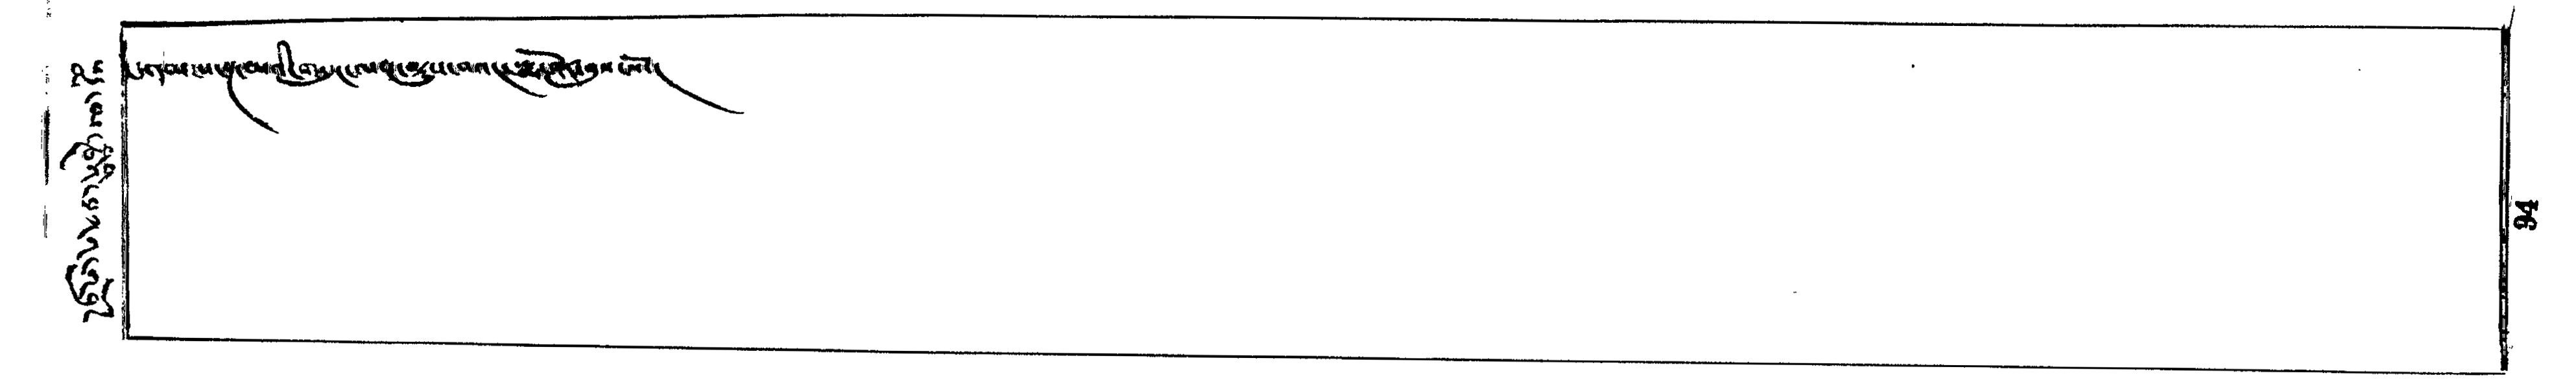དུ་དམ་པ་སྔ་མའི་གསུང་ལས་བཏུས་པའང་པདྨ་ནོར་བུས་སོ།། །།